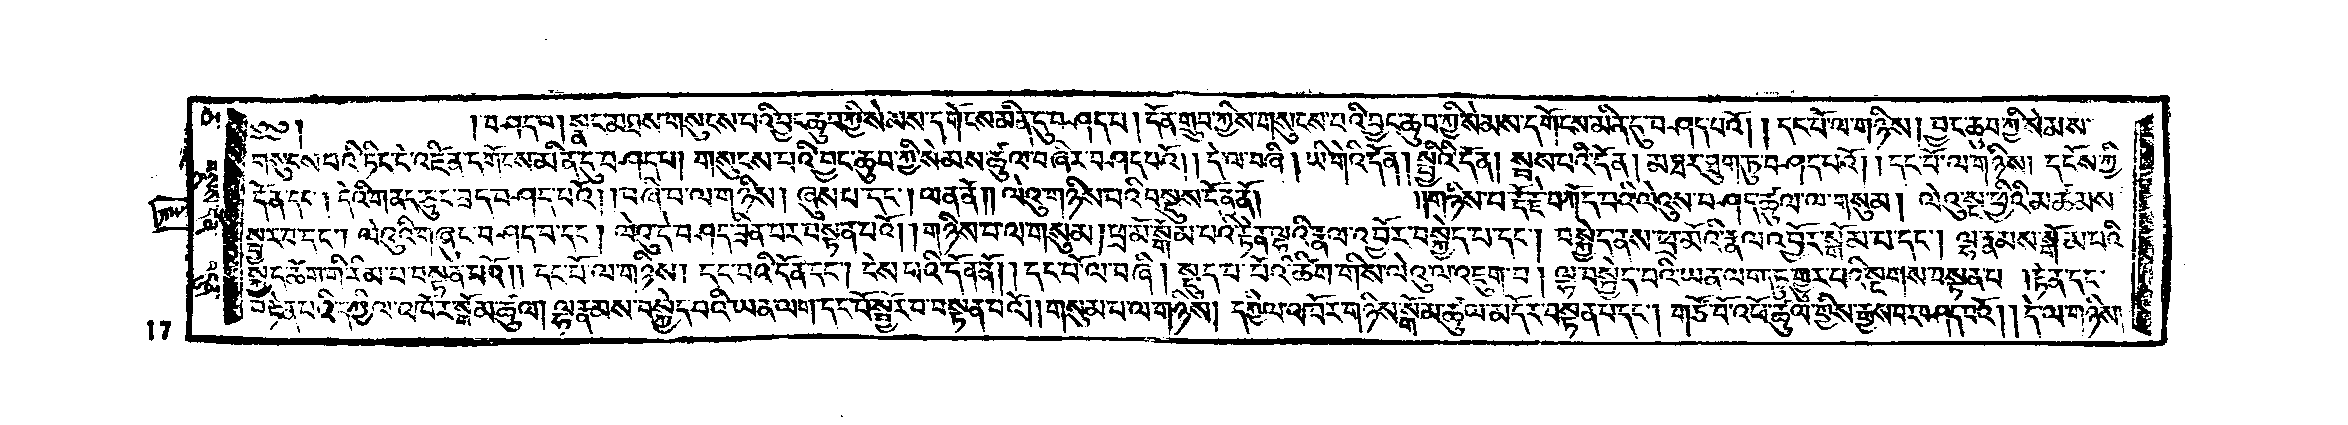༄༅། །བཤད་པ། སྣང་མཐས་གསུངས་པའི་བྱང་ཆུབ་ཀྱི་སེམས་དགོངས་མིན་དུ་བཤད་པ། དོན་གྲུབ་ཀྱིས་གསུངས་པའི་བྱང་ཆུབ་ཀྱི་སེམས་དགོངས་མིན་དུ་བཤད་པའོ། །དང་པོ་ལ་གཉིས། བྱང་ཆུབ་ཀྱི་སེམས་
གསུངས་པའི་ཏིང་ངེ་འཛིན་དགོངས་མིན་དུ་བཤད་པ། གསུངས་པའི་བྱང་ཆུབ་ཀྱི་སེམས་ཚུལ་བཞིར་བཤད་པའོ། །དེ་ལ་བཞི། ཡི་གེའི་དོན། སྤྱིའི་དོན། སྦས་པའི་དོན། མཐར་ཐུག་ཏུ་བཤད་པའོ། །དང་པོ་ལ་གཉིས། དངོས་ཀྱི་
དོན་དང་། དེའི་གནད་ཅུང་ཟད་བཤད་པའོ། །བཞི་པ་ལ་གཉིས། ཞུས་པ་དང་། ལན་ནོ། །ལེའུ་གཉིས་པའི་བསྡུས་དོན་ནོ། །།གཉིས་པ་རྡོ་རྗེ་བཀོད་པའི་ལེའུས་བཤད་ཚུལ་ལ་གསུམ། ལེའུ་སྔ་ཕྱིའི་མཚམས་
སྦྱར་བ་དང་། ལེའུའི་གཞུང་བཤད་པ་དང་། ལེའུ་དེ་བཤད་ཟིན་པར་བསྟན་པའོ། །གཉིས་པ་ལ་གསུམ་ཕྲ་མོ་སྒོམ་པའི་རྟེན་ལྷའི་རྣལ་འབྱོར་བསྐྱེད་པ་དང་། བསྐྱེད་ནས་ཕྲ་མོའི་རྣལ་འབྱོར་སྒོམ་པ་དང་། ལྷ་རྣམས་སྒོམ་པའི་
སྐྱེད་ཆོག་གི་རིམ་པ་བསྟན་པའོ། །དང་པོ་ལ་གཉིས། དྲང་བའི་དོན་དང་། ངེས་པའི་དོན་ནོ། །དང་པོ་ལ་བཞི། སྡུད་པ་པོའི་ཚིག་གིས་ལེའུ་ལ་འཇུག་པ། ལྷ་བསྐྱེད་པའི་ཡན་ལག་ཏུ་གྱུར་པའི་སྔགས་བསྟན་པ། །རྟེན་དང་
བརྟེན་པའི་དཀྱིལ་འཁོར་སྒོམ་ཚུལ། ལྷ་རྣམས་བསྐྱེད་པའི་ཡན་ལག་དང་པོ་སྦྱོར་བ་བསྟན་པའོ། །གསུམ་པ་ལ་གཉིས། དཀྱིལ་འཁོར་གཉིས་སྒོམ་ཚུལ་མདོར་བསྟན་པ་དང་། གཙོ་བོ་འཕོ་ཚུལ་གྱིས་རྒྱས་པར་བཤད་པའོ། །དེ་ལ་གཉིས།